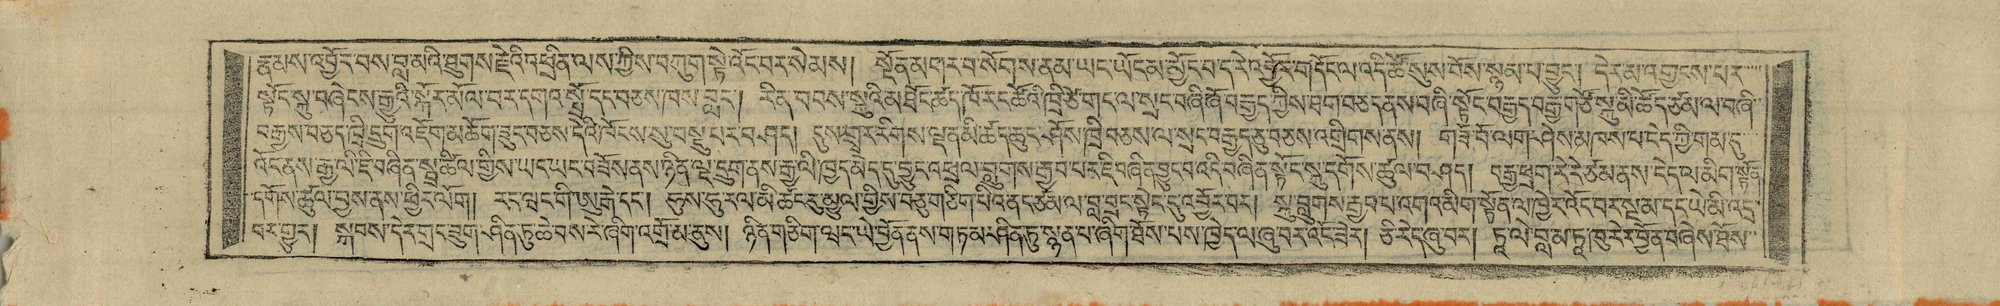རྣམས་འབྱོར་བས་བླ་མའི་ཐུགས་རྗེའི་འཕྲིན་ལས་ཀྱིས་བཀུག་སྟེ་འོང་བར་སེམས། སྔོན་མགར་བ་སོགས་ནམ་ཡང་ཡོང་མ་མྱོང་བ་ད་རེ་འབྱོར་གདོང་ལ་འདི་ཚོ་སུས་པོས་སྙམ་པ་བྱུང་། དེར་མ་འགྱངས་པར་
སྟོང་སྐུ་བཞེངས་རྒྱུའི་སྐོར་མོལ་བར་དགའ་སྤྲོ་དང་བཅས་ཁས་བླང་། རིན་བབས་སྐུའི་མཐོང་ཚད་ཁོ་རང་ཚོའི་ཁྲི་ཙེ་གང་ལ་སྲང་བཞི་ཞོ་བརྒྱད་ཀྱིས་ཐག་བཅད་ནས་བཞི་སྟོང་བརྒྱད་བརྒྱ་གཙོ་སྐུ་མི་ཚོད་ཙམ་ལ་བཞི་
བརྒྱས་བཅད་ཁྲི་དྲུག་འཇོག་མཆོག་ཟུང་བཅས་དེའི་ཁོངས་སུ་བསྡུ་པར་བཤད། དུས་གྲྭར་རིགས་ལྡན་མི་ཚད་ཆུང་ཤོས་ཁྲི་བཅས་ལ་སྲང་བརྒྱད་ཅུ་བཅས་འགྲིགས་ནས། གཟོ་བོ་ལག་ཤེས་མཁས་པ་ངེད་ཀྱི་གམ་དུ་
འོང་ནས་རྒྱ་ལི་ཇི་བཞིན་སྦྲ་ཚིལ་གྱིས་ཡང་ཡང་བཟོས་ནས་ཉིན་ལྔ་དྲུག་ནས་རྒྱ་ལི་ཁྱད་མེད་དུ་བྱུང་འཕྲལ་བླུགས་རྒྱབ་པར་ཇི་བཞིན་བྱུང་བ་འདི་བཞིན་སྟོང་སྐུ་དགོས་ཚུལ་བཤད། བརྒྱ་ཕྲག་རེ་རེ་ཙམ་ནས་ངེད་ལ་མིག་སྟོན་
དགོས་ཚུལ་བྱས་ནས་ཕྱིར་ལོག །རང་ཝང་གི་ཨུརྒེ་དང་། ཧུས་ཧུ་རལ་མི་ཚང་རུ་མྱུལ་གྱིས་བཅུ་གཅིག་པའི་ནང་ཙམ་ལ་བླ་བྲང་སྟེང་དུ་འབྱོར་བར། སྐུ་བླུགས་རྒྱབ་པ་འགའ་མིག་སྟོན་ལ་ཁྱེར་འོང་བར་སྔ་མ་དང་ཡེ་མི་འདྲ་
བར་གྱུར། སྐབས་དེར་གྲང་ཟུག་ཤིན་ཏུ་ཆེ་བས་རེ་ཞིག་འགྲོ་མ་ནུས། ཉིན་གཅིག་ཝང་ཡེ་བྱོན་ནས་གཏམ་ཤིན་ཏུ་སྙན་པ་ཞིག་ཐོས་པས་ཁྱེད་ལ་ཞུ་བར་འོད་ཟེར། ཅི་རེད་ཞུ་བར། ཏཱ་ལེ་བླ་མ་ཏཱ་ཁུ་རེར་བྱོན་བཞེས་ཐོས་